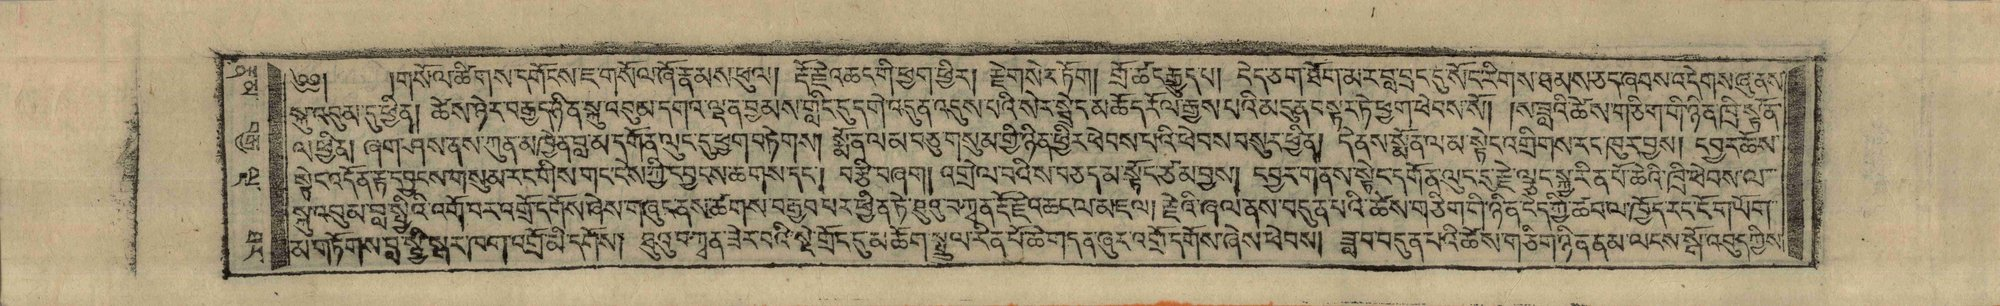༄༅། །གསོལ་ཚིགས་དགོངས་ཇ་གསོལ་ཞོ་རྣམས་ཕུལ། རྡོ་རྗེ་འཆང་གི་ཕྱག་ཕྱིར། རྗེ་གསེར་ཏོག །གྲོ་ཚང་རྒྱུད་པ། ངེད་ཅག་ཐོག་མར་བླ་བྲང་དུ་སོང་རིགས་ཐམས་ཅད་ཞབས་འདེགས་ཞུ་ནས་
སྐུ་འབུམ་དུ་ཕྱིན། ཚེས་ཉེར་བརྒྱད་ཉིན་སྐུ་འབུམ་དགའ་ལྡན་བྱམས་གླིང་དུ་དགེ་འདུན་འདུས་པའི་སེར་སྦྲེང་མཆོད་རོལ་རྒྱས་པའི་མདུན་བསྟར་ཏེ་ཕྱག་ཕེབས་སོ། །ས་ཟླའི་ཚེས་གཅིག་གི་ཉིན་ཁྲི་སྟོན་
ལ་ཕྱིན། ཞག་ཤས་ནས་ཀུན་མཁྱེན་བླ་མ་དགོན་ལུང་དུ་ཕྱག་བཏེགས། སྨོན་ལམ་བཅུ་གསུམ་གྱི་ཉིན་ཕྱིར་ཕེབས་པའི་ཕེབས་བསུར་ཕྱིན། དེ་ནས་སྨོན་ལམ་སྟེང་འགྲིགས་རང་ཁུར་བྱས། དབྱར་ཆོས་
སྟེང་འདོན་རྟ་དབྱངས་གསུམ་རང་གིས་གང་ངེས་ཀྱི་དབྱངས་ཆགས་དང་། བརྩི་བཞག །འགྲེལ་བའི་ས་བཅད་མ་སྟོང་ཙམ་བྱས། དབྱར་གནས་སྟེང་དགོན་ལུང་དུ་རྗེ་ལྕང་སྐྱ་རིན་པོ་ཆེའི་ཁྲི་ཕེབས་ལ་
སྐུ་འབུམ་བླ་སྤྱིའི་འགོ་བར་འགྲོ་དགོས་ཞེས་གཞུང་ནས་ཚགས་བརྒྱབ་པར་ཕྱིན་ཏེ་ཐུའུ་བཀྭན་རྡོ་རྗེ་འཆང་ལ་མཇལ། རྗེའི་ཞལ་ནས་བདུན་པའི་ཚེས་གཅིག་གི་ཉིན་ངེད་ཀྱི་ཚབ་ལ་ཁྱོད་རང་ངོ་གཡོག་
མ་གཏོགས་བླ་སྤྱི་སྒར་ཁག་འགྲོ་མི་དགོས། ཐུའུ་བཀྭན་ཟེར་བའི་སྡེ་གྲོང་དུ་མཆོག་སྤྲུལ་རིན་པོ་ཆེ་གདན་ཞུར་འགྲོ་དགོས་ཞེས་ཕེབས། ཟླ་བ་བདུན་པའི་ཚེས་གཅིག་ཉིན་ནམ་ལངས་སྒོ་འབུད་ཀྱིས་